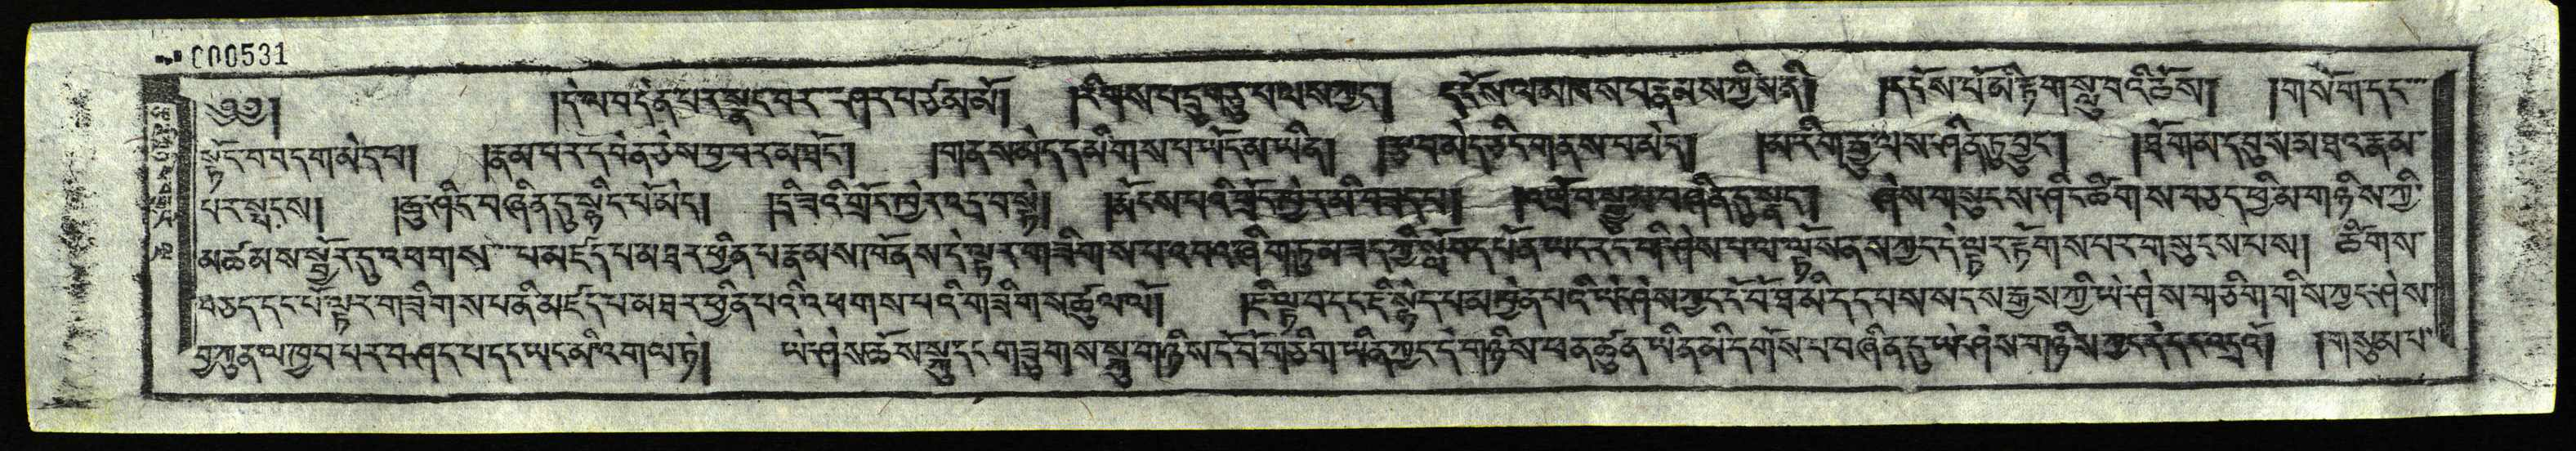༄༅། །དེ་ལ་བདེན་པར་སྣང་བར་ཤར་པ་ཙམ་མོ། །རིགས་པ་དྲུག་ཅུ་པ་ལས་ཀྱང་། དངོས་ལ་མཁས་པ་རྣམས་ཀྱིས་ནི། །དངོས་པོ་མི་རྟག་སླུ་བའི་ཆོས། །གསོག་དང་
སྟོང་པ་བདག་མེད་པ། །རྣམ་པར་དབེན་ཅེས་བྱ་བར་མཐོང་། །གནས་མེད་དམིགས་པ་ཡོད་མ་ཡིན། །རྩ་བ་མེད་ཅིང་གནས་པ་མེད། །མ་རིག་རྒྱུ་ལས་ཤིན་ཏུ་བྱུང་། །ཐོག་མ་དབུས་མཐའ་རྣམ་
པར་སྤངས། །ཆུ་ཤིང་བཞིན་དུ་སྙིང་པོ་མེད། །དྲི་ཟའི་གྲོང་ཁྱེར་འདྲ་བ་སྟེ། །རྨོངས་པའི་གྲོང་ཁྱེར་མི་བཟད་པ། །འགྲོ་བ་སྒྱུ་མ་བཞིན་དུ་སྣང་། ཞེས་གསུངས་ཤིང་ཚིགས་བཅད་ཕྱི་མ་གཉིས་ཀྱི་
མཚམས་སྦྱོར་དུ་འཕགས་པ་མཛད་པ་མཐར་ཕྱིན་པ་རྣམས་ཁོ་ནས་དེ་ལྟར་གཟིགས་པ་འབའ་ཞིག་ཏུ་མ་ཟད་ཀྱི་སློབ་དཔོན་ཡང་རང་གི་ཤེས་པ་ལ་ལྟོས་ནས་ཀྱང་དེ་ལྟར་རྟོགས་པར་གསུངས་པས། ཚིགས་
བཅད་དང་པོ་ལྟར་གཟིགས་པ་ནི་མཛད་པ་མཐར་ཕྱིན་པའི་འཕགས་པའི་གཟིགས་ཚུལ་ལོ། །ཇི་ལྟ་བ་དང་ཇི་སྙེད་པ་མཁྱེན་པའི་ཡེ་ཤེས་ཀྱང་ངོ་བོ་ཐ་མི་དད་པས་སངས་རྒྱས་ཀྱི་ཡེ་ཤེས་གཅིག་གིས་ཀྱང་ཤེས་
བྱ་ཀུན་ལ་ཁྱབ་པར་བཤད་པ་དང་ཡང་མི་འགལ་ཏེ། ཡེ་ཤེས་ཆོས་སྐུ་དང་གཟུགས་སྐུ་གཉིས་ངོ་བོ་གཅིག་ཡིན་ཀྱང་དེ་གཉིས་ཕན་ཚུན་ཡིན་མི་དགོས་པ་བཞིན་དུ་ཡེ་ཤེས་གཉིས་ཀྱང་དེ་དང་འདྲའོ། །གསུམ་པ་